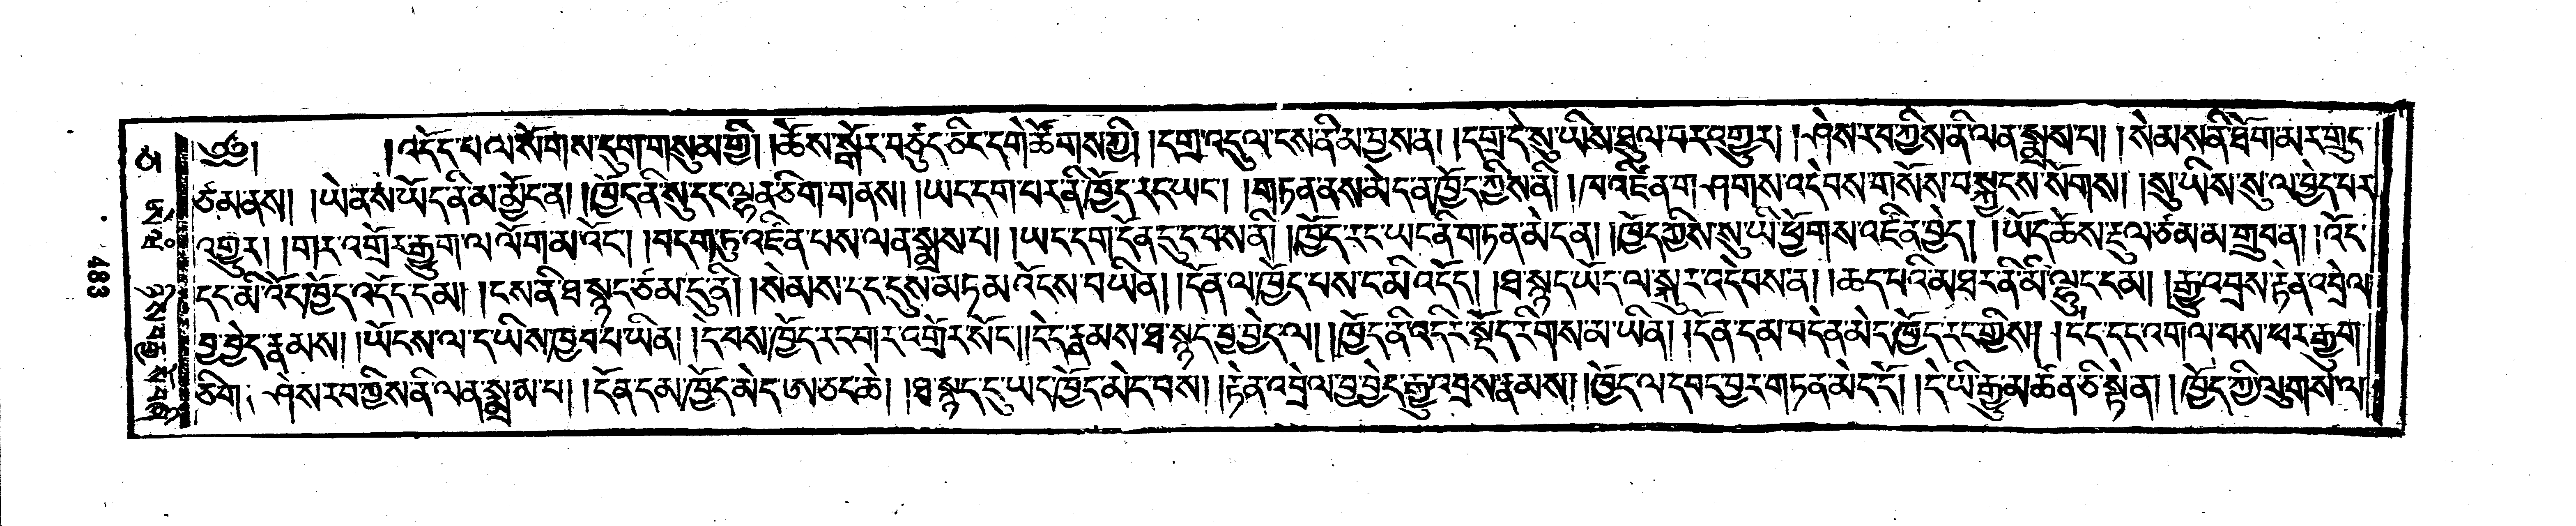༄༅། །འདོད་པ་ལ་སོགས་དུག་གསུམ་གྱི། །ཆོས་སྒོར་བཙུད་ཅིང་དགེ་ཚོགས་ཀྱི། །དགྲ་འདུལ་ངས་ནི་མ་བྱས་ན། །དགྲ་དེ་སུ་ཡིས་ཐུལ་བར་འགྱུར། །ཤེས་རབ་ཀྱིས་ནི་ལན་སྨྲས་པ། །སེམས་ནི་ཐོག་མར་གྲུབ་
ཙམ་ནས། །ཡེ་ནས་ཡོད་ནི་མ་མྱོང་ན། །ཁྱོད་ནི་སུ་དང་ལྷན་ཅིག་གནས། །ཡང་དག་པར་ནི་ཁྱོད་རང་ཡང་། །གཏན་ནས་མེད་ན་ཁྱོད་ཀྱིས་ནི། །ཁ་འཛིན་གཤགས་འདེབས་གསོས་བསྐྱངས་སོགས། །སུ་ཡིས་སུ་ལ་བྱེད་པར་
འགྱུར། །གར་འགྲོར་རྒྱུག་ལ་ལོག་མ་འོངས། །བདག་ཏུ་འཛིན་པས་ལན་སྨྲས་པ། །ཡང་དག་དོན་དུ་ང་བས་ནི། །ཁྱོད་རང་ཡང་ནི་གཏན་མེད་ན། །ཁྱོད་ཀྱིས་སུ་ཡི་ཕྱོགས་འཛིན་བྱེད། །ཡོད་ཆོས་རྡུལ་ཙམ་མ་གྲུབ་ན། །འོང་
དང་མི་འོད་ཁྱོད་འདོད་དམ། །ངས་ནི་ཐ་སྙད་ཙམ་དུ་ནི། །སེམས་དང་དུས་མཉམ་འོངས་པ་ཡིན། །དོན་ལ་ཁྱོད་པས་ང་མི་འདོད། །ཐ་སྙད་ཡོད་ལ་སྐུར་འདེབས་ན། །ཆད་པའི་མཐར་ནི་མི་ལྷུང་ངམ། །རྒྱུ་འབྲས་རྟེན་འབྲེལ་
བྱ་བྱེད་རྣམས། །ཡོངས་ལ་ང་ཡིས་ཁྱབ་པ་ཡིན། །དེ་བས་ཁྱོད་རང་གར་འགྲོར་སོང་། །ངེད་རྣམས་ཐ་སྙད་བྱ་བྱེད་ལ། །ཁྱོད་ནི་འདིར་སྡོད་རིགས་མ་ཡིན། །དོན་དམ་བདེན་མེད་ཁྱོད་རང་གྱིས། དེད་དང་འགལ་བས་ཕར་རྒྱུག་
ཅིག ༑ཤེས་རབ་ཀྱིས་ནི་ལན་སྨྲས་པ། །དོན་དམ་ཁྱོད་མེད་ཨ་ཅང་ཆེ། །ཐ་སྙད་དུ་ཡང་ཁྱོད་མེད་པས། །རྟེན་འབྲེལ་བྱ་བྱེད་རྒྱུ་འབྲས་རྣམས། །ཁྱོད་ལ་དབང་བྱར་གཏན་མེད་དོ། །དེ་ཡི་རྒྱུ་མཚན་ཅི་སྟེ་ན། །ཁྱོད་ཀྱི་ལུགས་ལ་